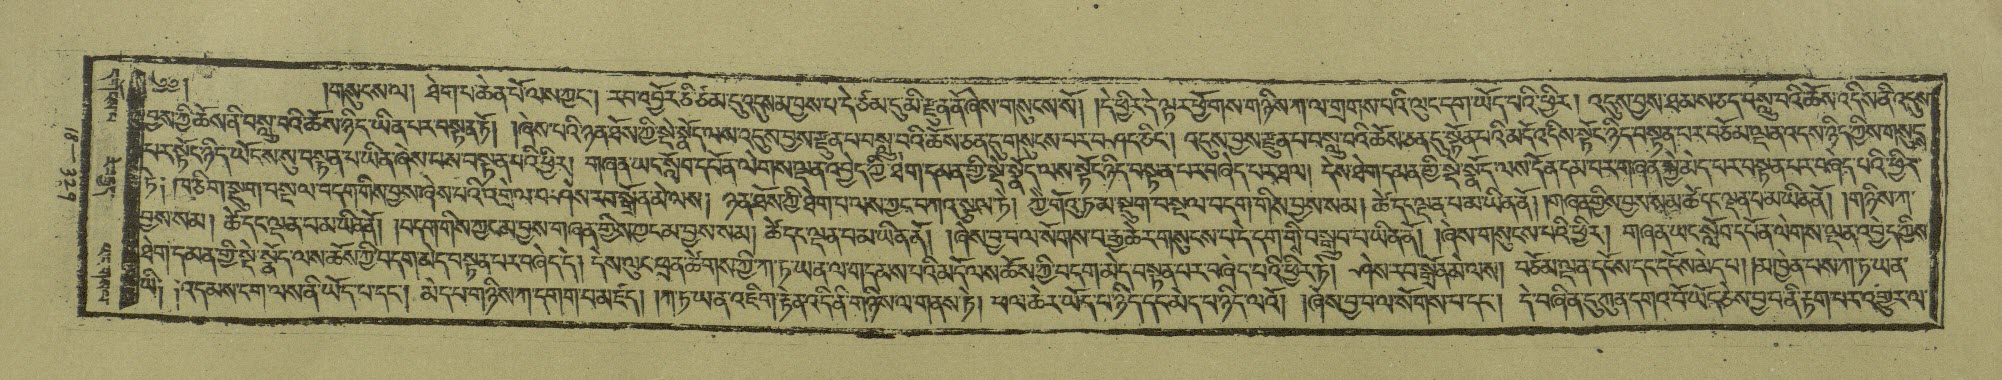༄༅། །གསུངས་ལ། ཐེག་པ་ཆེན་པོ་ལས་ཀྱང་། རབ་འབྱོར་ཅི་ཙམ་དུ་འདུས་མ་བྱས་པ་དེ་ཙམ་དུ་མི་རྫུན་ནོ་ཞེས་གསུངས་སོ། །དེ་ཕྱིར་དེ་ལྟར་ཕྱོགས་གཉིས་ཀ་ལ་གྲགས་པའི་ལུང་དག་ཡོད་པའི་ཕྱིར། འདུས་བྱས་ཐམས་ཅད་བསླུ་བའི་ཆོས་འདིས་ནི་འདུས་
བྱས་ཀྱི་ཆོས་ནི་བསླུ་བའི་ཆོས་ཉིད་ཡིན་པར་བསྟན་ཏོ། །ཞེས་པའི་ཉན་ཐོས་ཀྱི་སྡེ་སྣོད་ལས་འདུས་བྱས་རྫུན་པ་བསླུ་བའི་ཆོས་ཅན་དུ་གསུངས་པར་བཤད་ཅིང་། འདུས་བྱས་རྫུན་པ་བསླུ་བའི་ཆོས་ཅན་དུ་སྟོན་པའི་མདོ་འདིས་སྟོང་ཉིད་བསྟན་པར་བཅོམ་ལྡན་འདས་ཉིད་ཀྱིས་གསུངས་
པར་སྟོང་ཉིད་ཡོངས་སུ་བསྟན་པ་ཡིན་ཞེས་པས་བསྟན་པའི་ཕྱིར། གཞན་ཡང་སློབ་དཔོན་ལེགས་ལྡན་འབྱེད་ཀྱི་ཐེག་དམན་གྱི་སྡེ་སྣོད་ལས་སྟོང་ཉིད་བསྟན་པར་བཞེད་པར་ཐལ། དེས་ཐེག་དམན་གྱི་སྡེ་སྣོད་ལས་དོན་དམ་པར་གཞན་སྐྱེ་མེད་པར་བསྟན་པར་བཞེད་པའི་ཕྱིར་
ཏེ། ཁ་ཅིག་སྡུག་བསྔལ་བདག་གིས་བྱས་ཞེས་པའི་འགྲེལ་པ་ཤེས་རབ་སྒྲོན་མེ་ལས། ཉན་ཐོས་ཀྱི་ཐེག་པ་ལས་ཀྱང་བཀའ་སྩལ་ཏེ། ཀྱཻ་གོའུ་ཏ་མ་སྡུག་བསྔལ་བདག་གིས་བྱས་སམ། ཚེ་དང་ལྡན་པ་མ་ཡིན་ནོ། །གཞན་གྱིས་བྱས་སམ་ཚེ་དང་ལྡན་པ་མ་ཡིན་ནོ། །གཉིས་ཀ་
བྱས་སམ། ཚེ་དང་ལྡན་པ་མ་ཡིན་ནོ། །བདག་གིས་ཀྱང་མ་བྱས་གཞན་གྱིས་ཀྱང་མ་བྱས་སམ། ཚེ་དང་ལྡན་པ་མ་ཡིན་ནོ། །ཞེས་བྱ་བ་ལ་སོགས་པ་རྒྱ་ཆེར་གསུངས་པ་དེ་དག་གིས་བསྒྲུབ་པ་ཡིན་ནོ། །ཞེས་གསུངས་པའི་ཕྱིར། གཞན་ཡང་སློབ་དཔོན་ལེགས་ལྡན་འབྱེད་ཀྱིས་
ཐེག་དམན་གྱི་སྡེ་སྣོད་ལས་ཆོས་ཀྱི་བདག་མེད་བསྟན་པར་བཞེད་དེ། དེས་ལུང་ཕྲན་ཚེགས་ཀྱི་ཀ་ཏ་ཡ་ན་ལ་གདམས་པའི་མདོ་ལས་ཆོས་ཀྱི་བདག་མེད་བསྟན་པར་བཞེད་པའི་ཕྱིར་ཏེ། ཤེས་རབ་སྒྲོན་མ་ལས། བཅོམ་ལྡན་དངོས་དང་དངོས་མེད་པ། །མཁྱེན་པས་ཀ་ཏ་ཡ་ན་
ཡི། །འདམས་ངག་ལས་ནི་ཡོད་པ་དང་། མེད་པ་གཉིས་ཀ་དགག་པ་མཛད། །ཀ་ཏ་ཡ་ན་འཇིག་རྟེན་འདི་ནི་གཉིས་ལ་གནས་ཏེ། ཕལ་ཆེར་ཡོད་པ་ཉིད་དང་མེད་པ་ཉིད་ལའོ། །ཞེས་བྱ་བ་ལ་སོགས་པ་དང་། དེ་བཞིན་དུ་ཀུན་དགའ་བོ་ཡོད་ཅེས་བྱ་བ་ནི་རྟག་པར་འགྱུར་ལ།